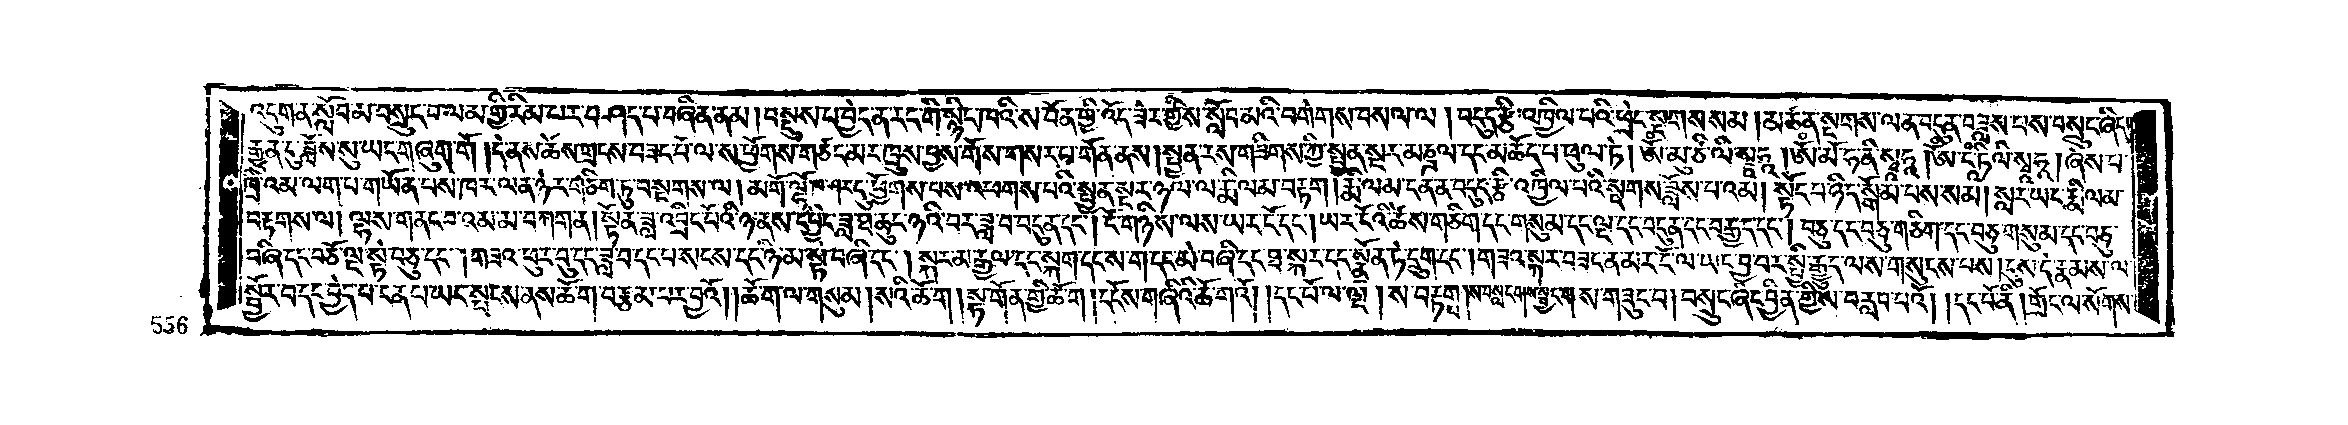འདུག་ན་སློབ་མ་བསྲུང་བ་ལམ་གྱི་རིམ་པར་བཤད་པ་བཞིན་ནམ། བསྡུས་པ་བྱེད་ན་རང་གི་སྙིང་ཁའི་ས་བོན་གྱི་འོད་ཟེར་གྱིས་སློབ་མའི་བགེགས་བསལ་ལ། བདུད་རྩི་འཁྱིལ་པའི་ཕྲེང་སྔགས་སམ། མཚན་སྔགས་ལན་བདུན་བཟླས་པས་བསྲུང་ཞིང་།
རྒྱུན་དུ་ཟློས་སུ་ཡང་གཞུག་གོ །དེ་ནས་ཚེས་གྲངས་བཟང་པོ་ལ་ས་ཕྱོགས་གཙང་མར་ཁྲུས་བྱས་གོས་གསར་པ་གོན་ནས། སྤྱན་རས་གཟིགས་ཀྱི་སྤྱན་སྔར་མཎྜལ་དང་མཆོད་པ་ཕུལ་ཏེ། ཨོཾ་མུ་ཙི་ལི་སྭཱཧཱ། ཨོཾ་མོ་ཧ་ནི་སྭཱཧཱ། ཨོཾ་དཱཾ་ཏི་ལི་སྭཱཧཱ། ཞེས་པ་
ཁྲི་འམ་ལག་པ་གཡོན་པས་ཁར་ལན་ཉེར་གཅིག་ཏུ་བསྔགས་ལ། མགོ་ལྷོ་ཁ་ཤར་དུ་ཕྱོགས་པས་འཕགས་པའི་སྤྱན་སྔར་ཉལ་ལ་རྨི་ལམ་བརྟག །རྨི་ལམ་ངན་ན་བདུད་རྩི་འཁྱིལ་པའི་སྔགས་ཟློས་པའམ། སྟོང་པ་ཉིད་སྒོམ་པས་སམ། སླར་ཡང་རྨི་ལམ་
བརྟགས་ལ། ལྷས་གནང་བ་འམ་མ་བཀག་ན། སྟོན་ཟླ་འབྲིང་པོའི་ཉ་ནས་དཔྱིད་ཟླ་ཐ་ཆུང་ཉའི་བར་ཟླ་བ་བདུན་དང་། ངོ་གཉིས་ལས་ཡར་ངོ་དང་། ཡར་ངོའི་ཚེས་གཅིག་དང་གསུམ་དང་ལྔ་དང་བདུན་དང་བརྒྱད་དང་། བཅུ་དང་བཅུ་གཅིག་དང་བཅུ་གསུམ་དང་བཅུ་
བཞི་དང་བཅོ་ལྔ་སྟེ་བཅུ་དང་། གཟའ་ཕུར་བུ་དང་ཟླ་བ་དང་པ་སངས་དང་ཉི་མ་སྟེ་བཞི་དང་། སྐར་མ་རྒྱལ་དང་སྐག་དང་ས་ག་དང་མེ་བཞི་དང་ཐ་སྐར་དང་སྣོན་ཏེ་དྲུག་དང་། གཟའ་སྐར་བཟང་ན་མར་ངོ་ལ་ཡང་བྱ་བར་སྤྱི་རྒྱུད་ལས་གསུངས་པས། དུས་དེ་རྣམས་ལ་
སྦྱོར་བ་དང་བྱེད་པ་ངན་པ་ཡང་སྤངས་ནས་ཆོ་ག་བརྩམ་པར་བྱའོ། །ཆོ་ག་ལ་གསུམ། སའི་ཆོ་ག །སྟ་གོན་གྱི་ཆོ་ག །དངོས་གཞིའི་ཆོ་གའོ། །དང་པོ་ལ་ལྔ། ས་བརྟག་པ། ས་བསླང་བ། ས་སྦྱང་བ། ས་གཟུང་བ། བསྲུང་ཞིང་བྱིན་གྱིས་བརླབ་པའོ། །དང་པོ་ནི། གྲོང་ལ་སོགས་